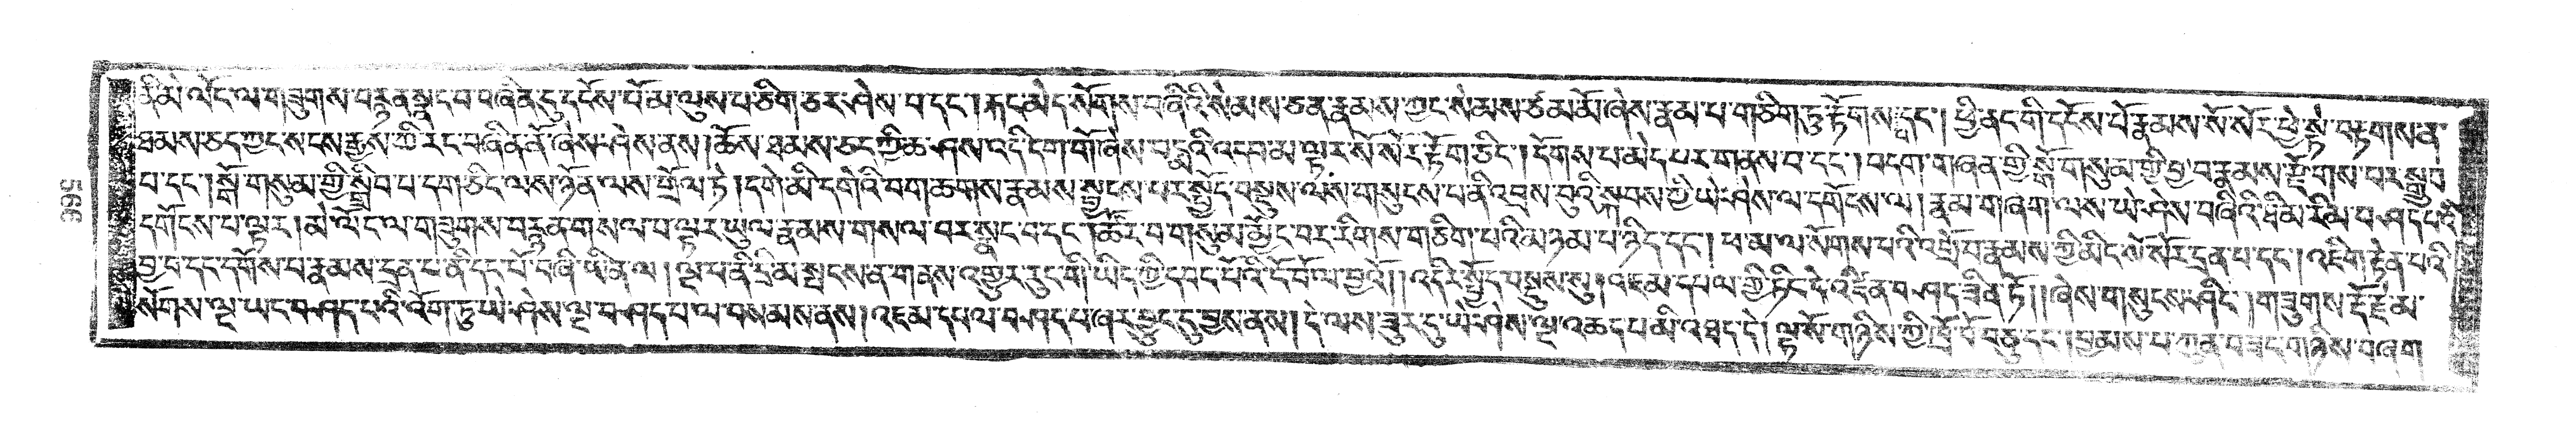ནི་མེ་ལོང་ལ་གཟུགས་བརྙན་སྣང་བ་བཞིན་དུ་དངོས་པོ་མ་ལུས་པ་ཅིག་ཅར་ཤེས་པ་དང་། རྐང་མེད་སོགས་བཞིའི་སེམས་ཅན་རྣམས་ཀྱང་སེམས་ཙམ་མོ་ཞེས་རྣམ་པ་གཅིག་ཏུ་རྟོགས་པ་དང་། ཕྱི་ནང་གི་དངོས་པོ་རྣམས་སོ་སོར་ཕྱེ་སྟེ་བརྟགས་ན་
ཐམས་ཅད་ཀྱང་སངས་རྒྱས་ཀྱི་རང་བཞིན་ནོ་ཞེས་ཤེས་ནས། ཆོས་ཐམས་ཅད་ཀྱི་ཆ་ཤས་འདི་དག་གོ་ཞེས་པདམའི་འདབ་མ་ལྟར་སོ་སོར་རྟོག་ཅིང་། དོགས་པ་མེད་པར་གནས་པ་དང་། བདག་གཞན་གྱི་སྒོ་གསུམ་གྱི་བྱ་བ་རྣམས་རྫོགས་པར་སྒྲུབ་
པ་དང་། སྒོ་གསུམ་གྱི་སྒྲིབ་པ་དག་ཅིང་ལས་ཉོན་ལས་གྲོལ་ཏེ། དགེ་མི་དགེའི་བག་ཆགས་རྣམས་སྦྱངས་པར་སྤྱོད་བསྡུས་ལས་གསུངས་པ་ནི་འབྲས་བུའི་སྐབས་ཀྱི་ཡེ་ཤེས་ལ་དགོངས་ལ། རྣམ་གཞག་ལས་ཡེ་ཤེས་བཞིའི་ཐིམ་རིམ་བཤད་པའི་
དགོངས་པ་ལྟར། མེ་ལོང་ལ་གཟུགས་བརྙན་གསལ་བ་ལྟར་ཡུལ་རྣམས་གསལ་བར་སྣང་བ་དང་། ཚོར་བ་གསུམ་མྱོང་བར་རིགས་གཅིག་པའི་མཉམ་པ་ཉིད་དང་། ཕ་མ་ལ་སོགས་པའི་འགྲོ་བ་རྣམས་ཀྱི་མིང་སོ་སོར་དྲན་པ་དང་། འཇིག་རྟེན་པའི་
བྱ་བ་དང་དགོས་པ་རྣམས་དྲན་པ་ནི་དང་པོ་བཞི་ཡིན་ལ། ལྔ་པ་ནི་དྲི་མ་སྤངས་ན་གནས་འགྱུར་རུང་གི་ཡིད་ཀྱི་དབང་པོའི་ངོ་བོ་ལ་བྱའོ། །འདིར་སྤྱོད་བསྡུས་སུ། འཇམ་དཔལ་གྱི་ཏིང་ངེ་འཛིན་བཤད་ཟིན་ཏོ། །ཞེས་གསུངས་ཤིང་། གཟུགས་རྡོ་རྗེ་མ་
སོགས་ལྔ་ཡང་བཤད་པའི་འོག་ཏུ་ཡེ་ཤེས་ལྔ་བཤད་པ་ལ་བསམས་ནས། འཇམ་དཔལ་བཤད་པ་ཞར་བྱུང་དུ་བྱས་ནས། དེ་ལས་ཟུར་དུ་ཡེ་ཤེས་ལྔ་འཆད་པ་མི་འཐད་དེ། ལྷ་སོ་གཉིས་ཀྱི་ཁྲོ་བོ་བཅུ་དང་། བྱམས་པ་ཀུན་བཟང་གཉིས་བཞག་